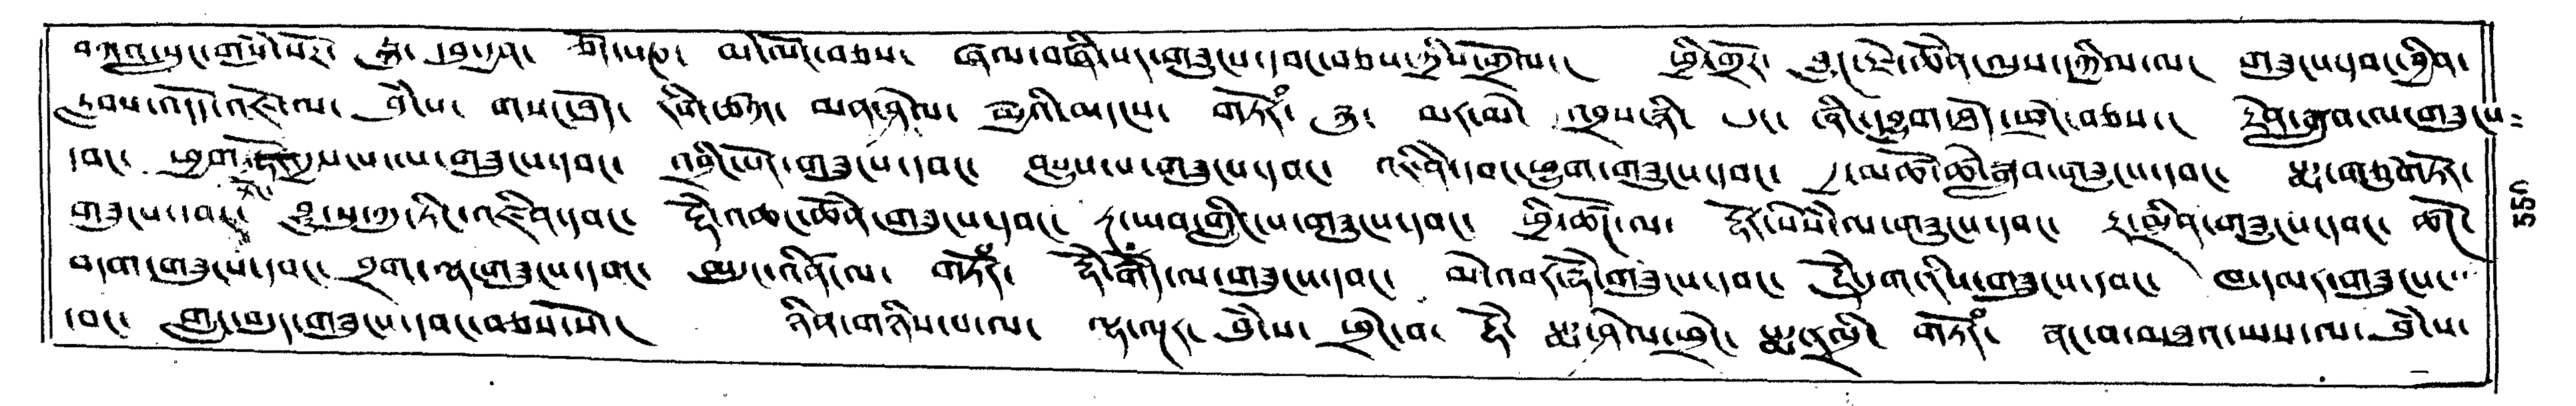བཀའ་སྲུང་གསུམ་པོར། སྐུ། དབུ་རྒྱན། ཅོད་པན། མེ་ལོང་བཅས། ཞལ་བཞི་པར་གཟུངས་དབང་བཅས་ཀྱིས་གྲོལ། ཕྱི་དྲོར། ཐུགས་རྗེ་ཆེན་པོ་ལུས་དཀྱིལ་ལ། གཟུངས་དབང་བྱིན་
རླབས་འདོད་འཇོ་ལ། བུམ་པ། གསང་ཐོད། རིག་ཙཀ། མན་ཤེལ། རྨ་བྱའི་མདངས། གཏོར་མ། སྐུ། མར་མེ། འབྲས་སྙེ། དུང་། ཞིང་དབྱུག་ཐོད་ཕྲེང་བཅས། རྟེན་སྒྲུབ་ལ་གཟུངས་
དབང་། ཕྱག་སྟོང་རྒྱས་པ་ལ་གཟུངས་དབང་། འབྲིབ་པོར་གཟུངས་དབང་། བསྡུས་པ་གཟུངས་དབང་། འཇིག་རྟེན་དབང་ཕྱུག་གཟུངས་དབང་། རྒྱ་མཚོའི་ཚེ་སྒྲུབ་གཟུངས་དབང་། པདྨ་གཙུག་གཏོར་
གཟུངས་དབང་། བྷུ་སུ་ཀུ་ཏིང་འཛིན་དབང་། རྡོ་རྗེ་འཆང་ཆེན་པོ་གཟུངས་དབང་། རྔ་ཡབ་གླིང་པ་གཟུངས་དབང་། ཕྱི་ཚོགས་ལ། རྡོར་སེམས་ལ་གཟུངས་དབང་། རྟ་མགྲིན་གཟུངས་དབང་། ཚོགས་
བདག་གཟུངས་དབང་། བྲག་ལྷ་གཟུངས་དབང་། མདུང་འཛིན་ལ། གཏོར་མ། རྡོ་རྗེ་རྒོད་ལ་གཟུངས་དབང་། མེ་འབར་རྡོ་རྗེ་གཟུངས་དབང་། རྡོ་རྗེ་དུག་རི་གཟུངས་དབང་། ཁ་དམར་གཟུངས་
དབང་། གླང་བདུད་གཟུངས་དབང་བཅས་སོ། ཉིན་གཉིས་པ་ལ། ལྷ་ལྔར། བུམ་པ། ཕྲེང་བ། རྡོ་རྗེ། པདྨ། ཤེལ་ཕྲེང་། རལ་གྲི། གཏོར་མ། སྣང་བ་མཐའ་ཡས་ལ། བུམ་པ།